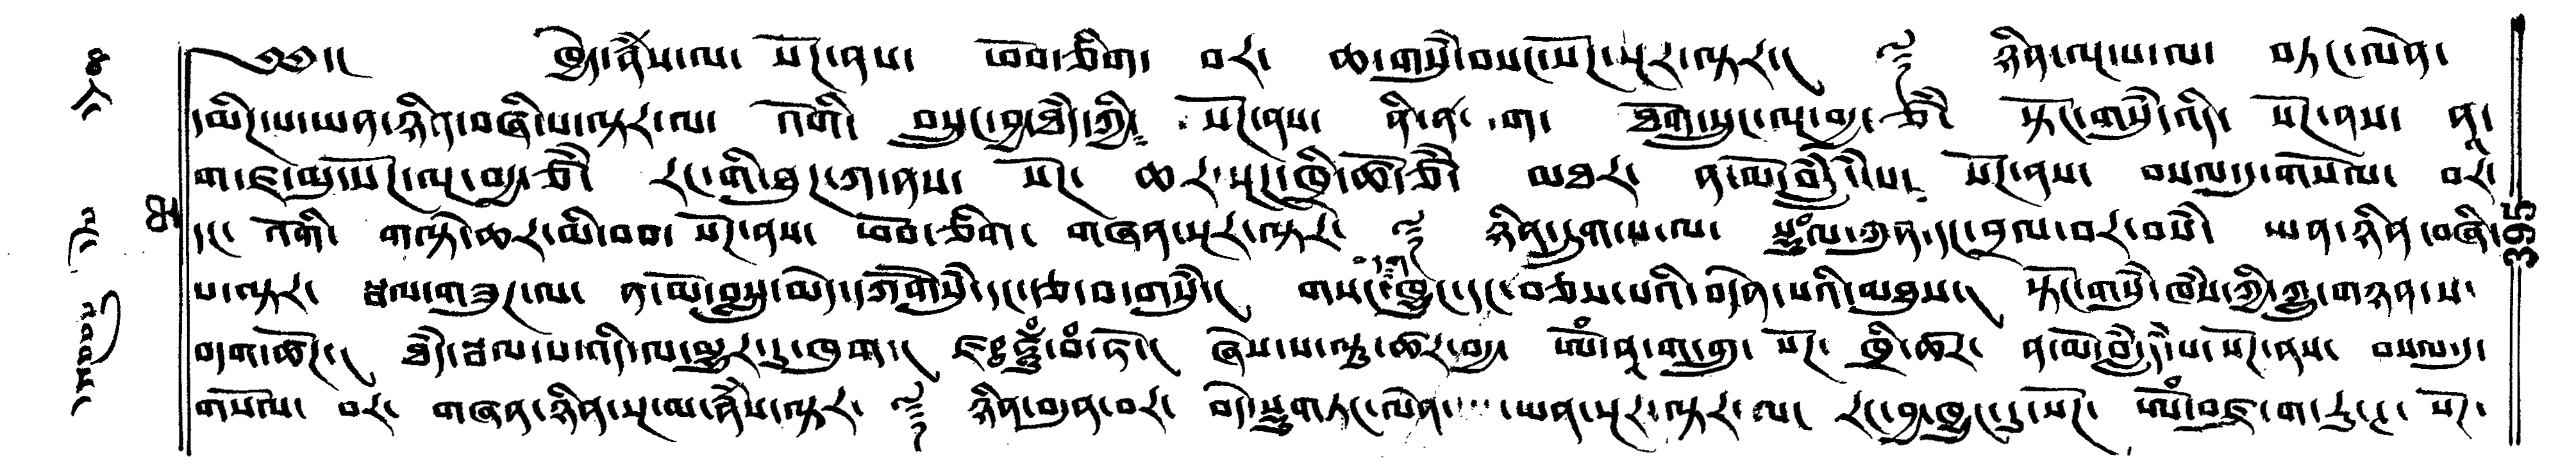ཁྱེད་རྣམས་ལ༴ སོགས་ནས། ཕོག་ཅིག བར། ཆ་གསུམ་བསང་སོགས་སྔར་ལྟར། ༈ ཉིན་ལྔ་པ་ལ། གཏོང་ལེན་
དམིགས་པ་ཡན་ཉིན་བཞི་པ་ལྟར་ལ། འོག་གི བསྲུང་བྱ་ཐམས་ཅད་ཀྱི༴ སོགས་ནས། ནི་ན་ག༴ ཐོག་སྲུང་ལྔ་བརྒྱ་ཙམ། སྟོང་གསུམ་འདི༴ སོགས་ནས། ན་
ག་ཛ་མུ༴ སོགས་ལྔ་བརྒྱ་ཙམ། རང་གི་ཐུགས་ཀ་ནས༴ སོགས། ཆར་སྔགས་ཁྲི་ཚོ་ཙམ། མཐར། ན་མོ། བླ་མ་དམ་པ༴ སོགས་ནས། བསལ་དུ་གསོལ། བར་
དང་། འོག་གི གལ་ཏེ་ཆར་མི་བབ༴ སོགས་ནས། ཕོབ་ཅིག གཞན་སྔར་ལྟར། ༈ ཉིན་དྲུག་པ་ལ། སྡུག་བསྔལ་ཀུན་དང་བྲལ་བར་བསམ། ཡན་ཉིན་བཞི་
པ་ལྟར། སྦལ་གཟུགས་ལ། ན་མོ། བསླུ་མེད་དཀོན་མཆོག་གསུམ་དང་རྩ་བ་གསུམ། །གསང་བདག་ཁྱུང་དང་བཅས་པའི་བདེན་པའི་མཐུས། །སྟོང་གསུམ་ཁམས་ཀྱི་ཀླུ་གཉན་ས་
བདག་ཚོགས། །ཐམས་ཅད་སྦལ་པ་འདི་ལ་མྱུར་དུ་ཁུག ཛཿཧཱུྃ་བཾ་ཧོཿ ཞེས་པ་ལྟ་བུ་ཚར་བརྒྱ། ཨོཾ་ནཱ་ག་རུ་ཌཱ༴ སོགས། ཁྲི་ཚར། ན་མོ། བླ་མ་དམ་པ༴ སོགས་ནས། བསལ་དུ་
གསོལ། བར། གཞན་ཉིན་སྔ་མ་རྣམས་ལྟར། ༈ ཉིན་བདུན་བར། བདེ་སྡུག་གཏོང་ལེན་ཡན་སྔར་ལྟར་ལ། རང་བྱ་ཁྱུང་དུ༴ སོགས། ཨོཾ་བཛྲ་ག་རུ་ཌཱ༴ སོགས།